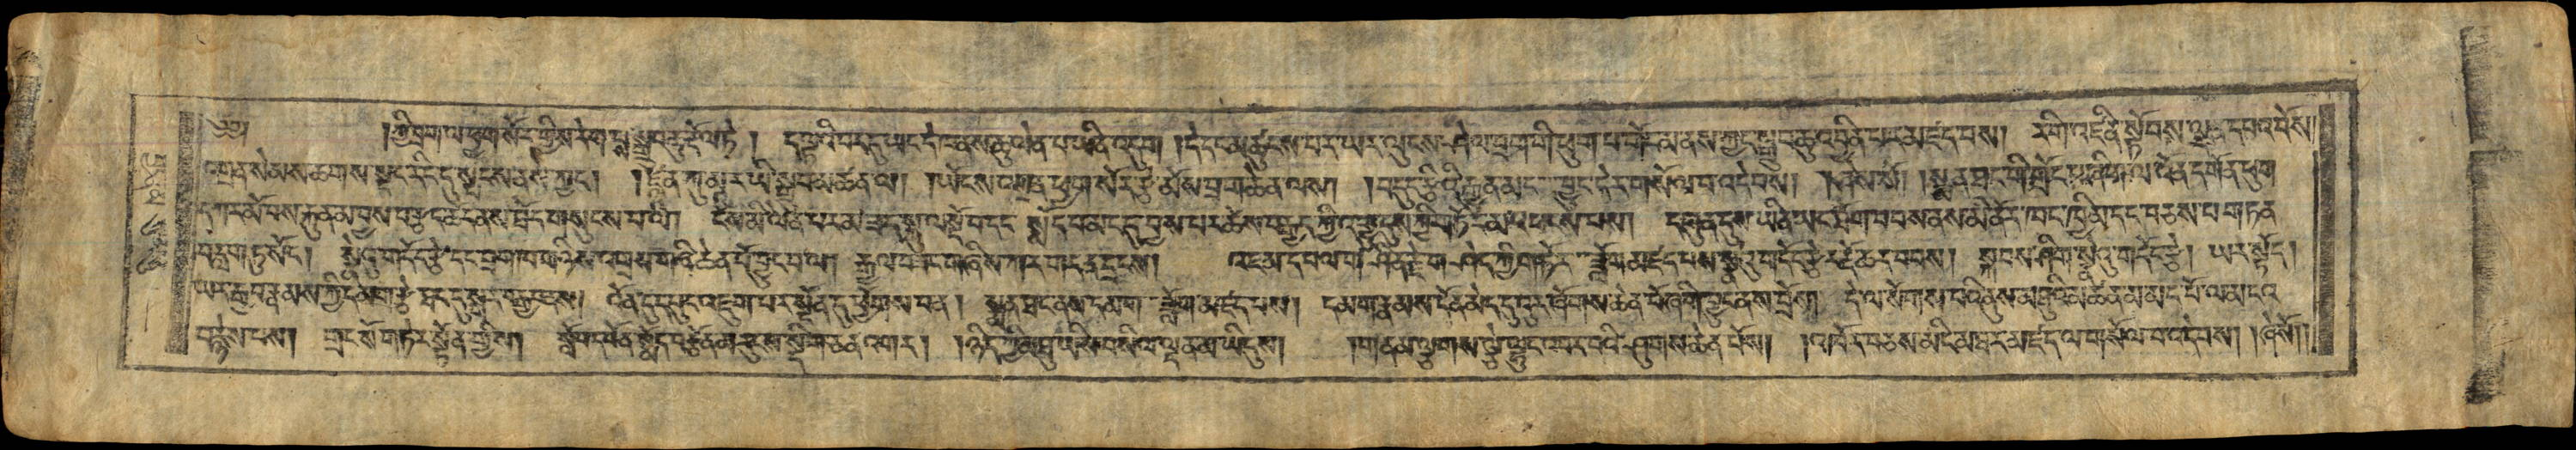༄༅། །ཀྱི་བྲག་ལ་ཕྱག་སོར་གྱིས་རེག་པས་སྒྲུབ་ཆུ་རྡོལ་ཏེ། ད་ལྟའི་བར་དུ་ཡང་དེ་ཁ་ནས་ཆུ་ལེན་པ་ཡིན་འདུག། དེ་དང་མཚུངས་པར་ཡར་ལུངས་ཤེལ་བྲག་གི་ཕུག་བ་གོང་མ་ནས་ཀྱང་སྒྲུབ་ཆུ་འབྱིན་པར་མཛད་པས། རིག་འཛིན་སྟོབས་ལྡན་དཔའ་བོས་
འགྲན་སེམས་ཆགས་སྡང་རིང་དུ་སྤངས་ནས་ཀྱང་། །ཛྙཱ་ན་ཀུ་མཱ་ར་ཡི་སྒྲུབ་མཚན་ལ། །ཡོངས་འགྲན་?་ཕྱག་སོར་རྩེ་མོས་བྲག་ཆེན་ལས། །བདུད་རྩིའི་རྒྱུན་མང་བྱུང་དེར་གསོལ་བ་འདེབས། །ཞེས་སོ། །སྨན་ཐང་གི་གྲོང་པ་ཞིག་ལ་འོན་དགོན་ཕུག་
དཀར་མོ་བས་རྐུན་མ་བྱས་པ་རྩད་ཆོད་ནས་ཐོད་གསུངས་པ་ལ། ངོས་མི་ལེན་པར་མ་ཟད་སྐུ་ལ་སྔོ་བ་དང་དཔོད་?་མང་དུ་བྱས་པར་ཚེས་བརྒྱད་ཀྱི་འགྱུ་དུས་ཀྱི་གཏོར་མ་འཕངས་པས། དགུན་དུས་ཡིན་ཡང་ཐོག་བབས་ནས་མི་ནོར་ཁང་ཁྱིམ་དང་བཅས་པ་གཏན་
བརླག་ཏུ་སོང་། སྣེའུ་གདོང་རྩེ་དང་བྲག་ཁ་གཉིས་འགྲས་གཞི་ཆེན་པོ་བྱུང་བ་ལ། རྒྱལ་བཟང་གཞིས་ཀར་གདན་དྲངས། འཇམ་དཔལ་གཤིན་རྗེ་གཤེད་ཀྱི་གཏོར་ཟློག་མཛད་པས་སྣེའུ་གདོང་རྩེར་རྡོ་ཆར་བབས། སྐབས་ཤིག་སྣེའུ་གདོང་རྩེ། ཡར་སྟོད།
ཡར་རྒྱབ་རྣམས་ཀྱི་དམག་རྩེ་ཐང་དུ་སྒར་བརྒྱབ་ནས། འོན་དུ་དཔུང་འཇུག་པར་སྔོན་དུ་ཕྱོགས་པ་ན། སྨན་ཐང་ནས་དམག་ཟློག་མཛད་པས། དམག་རྣམས་དོན་མེད་དུ་འུར་ཞོགས་ཆེན་པོ་ཞིག་བྱུང་ནས་བྲོས། དེ་ལ་སོགས་པའི་ནུས་མཐུའི་མཚན་མ་མང་པོ་ལ་མངའ་
བརྙེས་པས། གྲང་སོ་གཏེར་སྟོན་གྱིས། སློབ་དཔོན་སྨོད་བརྩོན་མ་རུངས་སྡིག་ཅན་འགར། །ཉིད་ཀྱི་མཐུ་ཡིས་བསིལ་ལྡན་མ་ཡི་དུས། །གནམ་ལྕགས་ལྕེ་ལྷུང་འབར་བའི་ཤུགས་ཆེན་པོས། །འཁོར་བཅས་མིང་མཐར་མཛད་ལ་གསོལ་བ་འདེབས། །ཞེས་སོ།།